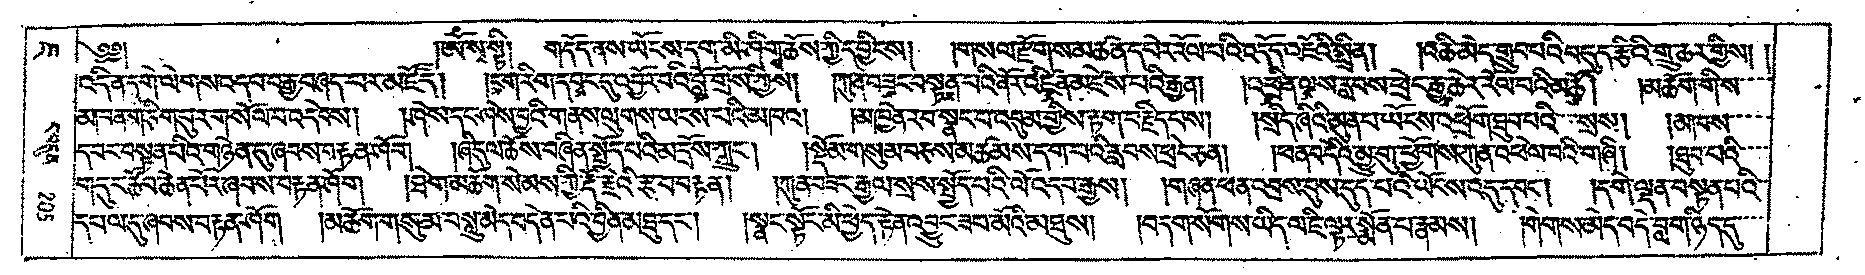༄༅། །ཨོཾ་སྭ་སྟི། གདོད་ནས་ཡོངས་དག་མི་ཤིགས་ཆོས་ཀྱི་དབྱིངས། །གསལ་རྫོགས་མཚན་དཔེར་རོལ་པའི་འདོད་འཇོའི་སྤྲིན། །འཆི་མེད་གྲུབ་པའི་བདུད་རྩིའི་གྲུ་ཆར་གྱིས། །
འདི་ན་དགེ་ལེགས་འདབ་བརྒྱ་བཞད་པར་མཛོད། །ངག་རིག་དབང་དུ་འབྱོར་བའི་བློ་གྲོས་ཀྱིས། །ཀུན་བཟང་བསྟན་པའི་ནོར་འཛིན་མཛེས་པའི་རྒྱན། །འཕྲིན་ལས་རླབས་ཕྲེང་རྒྱ་ཆེར་རོལ་པའི་མཚོ། །མཆོག་གི་ས་
མཁན་གཅིག་པུར་གསོལ་བ་འདེབས། །ཤེས་དང་ཤེས་བྱའི་གནས་ལུགས་ཡངས་པའི་མཁའ། །མཁྱེན་རབ་སྣང་བ་འབུམ་གྱིས་རྟག་བརྗིད་པས། །སྲིད་ཞིའི་མུན་པ་ཡོངས་འཕྲོག་ཐུབ་པའི་སྲས། །མཁས་
དབང་བསྟན་པའི་གཉེན་དུ་ཞབས་བརྟན་ཤོག །ཞི་དུལ་ཆོས་བཞིན་སྤྱོད་པའི་མ་དྲོས་ཀླུང་། །སྡོམ་གསུམ་བཅས་མཚམས་དག་པའི་རླབས་ཕྲེང་ཅན། །ཕན་བདེའི་མྱུ་གུ་ཕྱོགས་ཀུན་འཕེལ་བའི་གཞི། །ཐུབ་པའི་
གདུང་ཚོབ་ཆེན་པོར་ཞབས་བརྟན་ཤོག །ཐེག་མཆོག་སེམས་ཀྱི་རྡོ་རྗེའི་རྩ་བ་བརྟན། །ཀུན་བཟང་རྒྱལ་སྲས་སྤྱོད་པའི་ལོ་འདབ་རྒྱས། །གཞན་ཕན་འབྲས་བུས་དུད་པའི་ཡོངས་འདུ་དབང་། །དགེ་ལྡན་བསྟན་པའི་
དཔལ་དུ་ཞབས་བརྟན་ཤོག །མཆོག་གསུམ་པ་སླུ་མེད་བདེན་པའི་བྱིན་མཐུ་དང་། །སྣང་སྟོང་མི་ཕྱེད་རྟེན་འབྱུང་ཟབ་མོའི་མཐུས། །བདག་སོགས་ཡིད་ལ་ཇི་ལྟར་སྨོན་པ་རྣམས། །གེགས་མེད་བདེ་བླག་ཉིད་དུ་